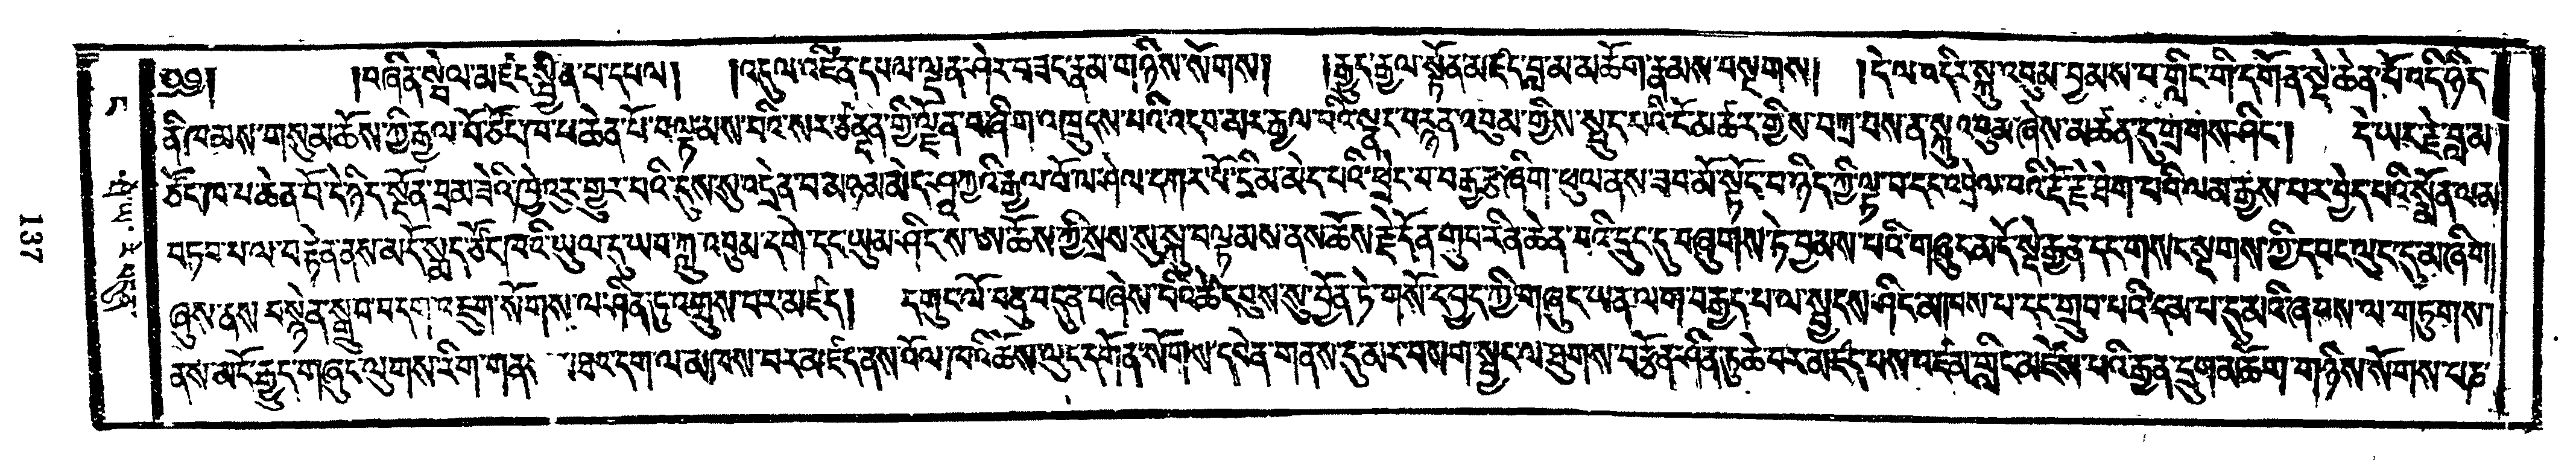༄༅། །བཞིན་སྦེལ་མཛད་སྦྱིན་པ་དཔལ། །འདུལ་འཛིན་དཔལ་ལྡན་ཤེར་བཟང་རྣམ་གཉིས་སོགས། །རྒྱུད་རྒྱལ་སྟོན་མཛད་བླ་མ་མཆོག་རྣམས་བསྔགས། །དེ་ལ་འདིར་སྐུ་འབུམ་བྱམས་པ་གླིང་གི་དགོན་སྡེ་ཆེན་པོ་འདི་ཉིད་
ནི་ཁམས་གསུམ་ཆོས་ཀྱི་རྒྱལ་བོ་ཙོང་ཁ་པ་ཆེན་པོ་བལྟ་མས་བའི་སར་ཙནྡན་གྱི་ལྗོན་བ་ཞིག་འཁྲུངས་པའི་འདབ་མར་རྒྱལ་བའི་སྣང་བརྙན་འབུམ་གྱིས་སྦུང་པའི་ངོ་མཚར་གྱིས་བཀྲ་བས་ན་སྐུ་འབུམ་ཞེས་མཚན་དུ་གྲགས་ཤིང་། དེ་ཡང་རྗེ་བླ་མ་
ཙོང་ཁ་པ་ཆེན་པོ་དེ་ཉིད་སྔོན་བྲམ་ཟེའི་ཁྱེའུར་གྱུར་པའི་དུས་སུ་འདྲེན་པ་མཉམ་མེད་ཤཱཀྱའི་རྒྱལ་བོ་ལ་ཤེལ་དཀར་པོ་དྲི་མ་མེད་པའི་ཕྲེང་བ་བརྒྱ་རྩ་ཞིག་ཕུལ་ནས་ཟབ་མོ་སྟོང་པ་ཉིད་ཀྱི་ལྟ་བ་དང་འབྲེལ་བའི་རྡོ་རྗེ་ཐེག་པའི་ལམ་རྒྱས་པར་བྱེད་པའི་སྨོན་ལམ་
བཏབ་པ་ལ་བརྟེན་ནས་མདོ་སྨད་ཙོང་ཁའི་ཡུལ་དུ་ཡབ་ཀླུ་འབུམ་དགེ་དང་ཡུམ་ཤིང་ས་ཨ་ཆོས་ཀྱི་སྲས་སུ་སྐུ་བལྟམས་ནས་ཆོས་རྗེ་དོན་གྲུབ་རིན་ཆེན་བའི་དྲུང་དུ་བཞུགས་ཏེ་བྱམས་པའི་གཞུང་མདོ་སྡེ་རྒྱན་དང་གསང་སྔགས་ཀྱི་དབང་ལུང་དུ་མ་ཞིག།
ཞུས་ནས་བསྙེན་སྒྲུབ་བདག་འཇུག་སོགས་ལ་ཤིན་ཏུ་འགྲུས་བར་མཛད། དགུང་ལོ་བཅུ་བདུན་བཞེས་པའི་ཚེ་དབུས་སུ་བྱོན་ཏེ་གསོ་དབྱང་ཀྱི་གཞུང་ཡན་ལག་བརྒྱད་པ་ལ་སྦྱངས་ཤིང་མཁས་པ་དང་གྲུབ་པའི་དམ་པ་དུ་མའི་ཞབས་ལ་གཏུགས་
ནས་མདོ་རྒྱུད་གཞུང་ལུགས་རིག་གནས་མཐའ་དག་ལ་མཁས་བར་མཛད་ནས་འོལ་ཁའི་ཆོས་ལུང་དགོན་སོགས་དབེན་གནས་དུ་མར་བསག་སྦྱང་ལ་ཐུགས་བརྩོན་ཤིན་ཏུ་ཆེ་བར་མཛད་པས་འཛམ་གླིང་མཛེས་པའི་རྒྱན་དྲུག་མཆོག་གཉིས་སོགས་པཎ་